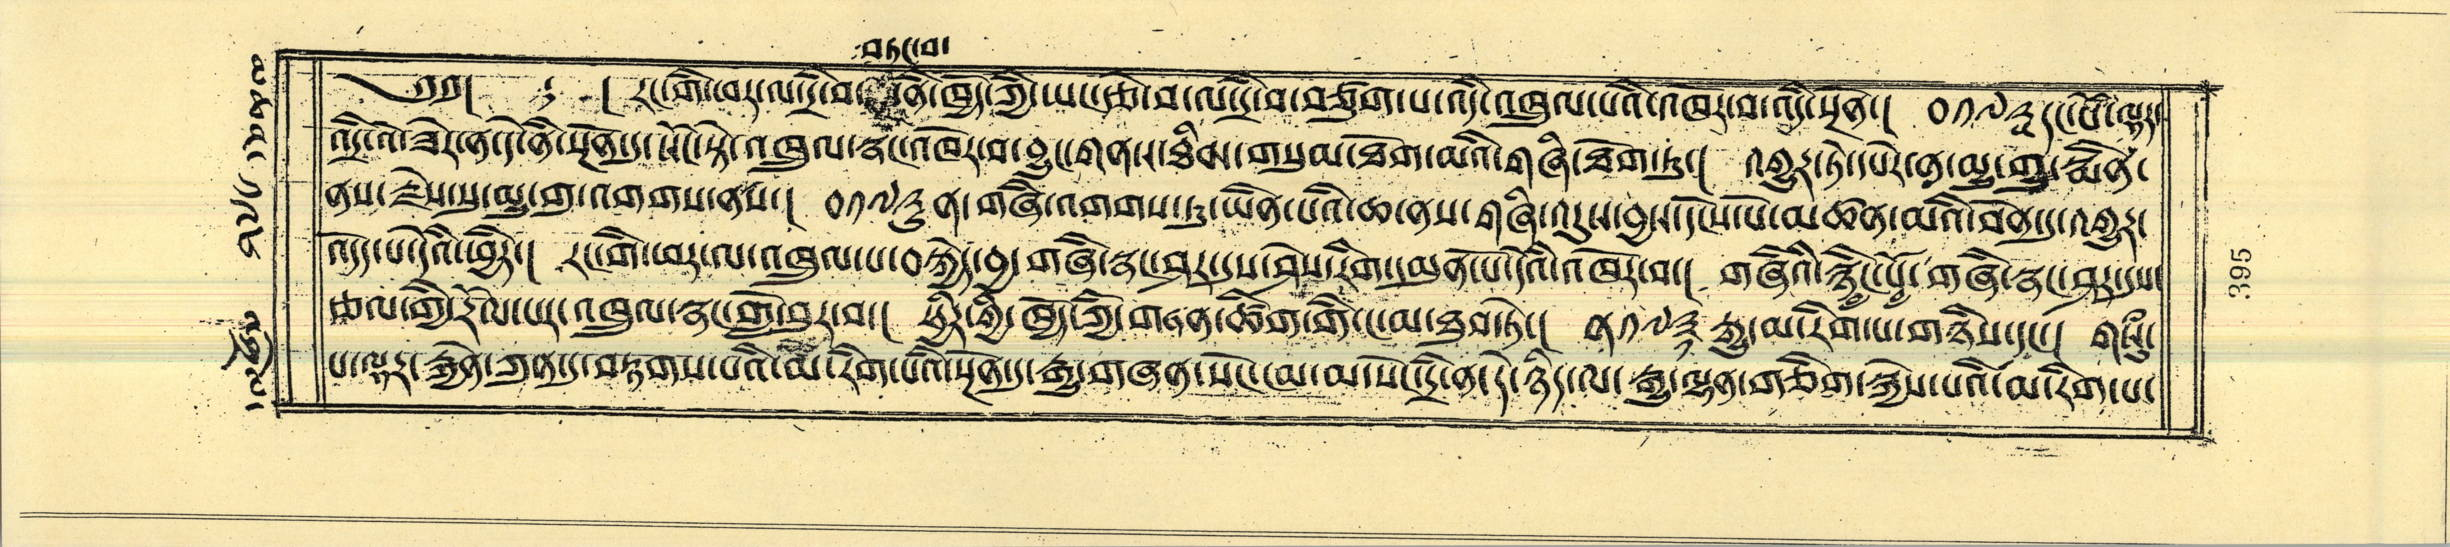རང་གི་ཕར་ལ་དྲི་བ་བཏང་བ་ནི་ཁྱེད་ཀྱི་ཡང་རྩེ་བ་ལ་དྲི་བ་བཙུག་པ་འདི་འཁྲུལ་པའི་འཁོར་བ་འདི་སྔོན། བ༡༧༢།༥ ༼དང་པོ་༽ལྟར་
འདྲི་འོ་ཟེར་ན་དེ་ནི་སྔོན་དུ་ ༼སོང་སྟེ་༽འཁྲུལ་སྣང་འཁོར་བ་ ༼བྱུང་གནས་ཐིམ་༽གསུམ་ཐོག་མའི་ ༼གཞི་༽ཐོག་ཏུ། ༼འགྱུར་༽ཏེ་དཔེར་ན་མྱུ་གུ་སྨིན་
ནས་རྗེས་སུ་མྱུ་གུ་འགགས་ནས། བ༡༧༢།༦ ༼ན་༽གཞི་འགགས་ཏུ་ཡིན་པའི་ཆ་ནས་ ༼གཞི་འདུས་བྱས་༽དངོས་པོ་མཚན་མའི་བོན་དུ་ ༼འགྱུར་༽
འདོད་པ་དེའི་ཕྱིར། རང་གི་ཕར་ལ་འཁྲུལ་ ༼པ་བསྐྱེད་བྱ་༽གཞི་སྣང་ཤར་དུས་ཤེས་རིག་མུན་པོ་དེའི་འཁོར་བ། གཞིའི་སྙིང་ ༼པོ་༽གཞི་སྣང་ཤར་དུས་
རྩལ་གྱི་ ༼རོལ་པར་༽འཁྲུལ་སྣང་གློ་བུར་བ། ༼ཕྱརི་གྱི་༽ཁྱོད་ཀྱི་གཏན་ཚིག་གི་ང་མ་ཐུབ་ཏེ། ན༡༧༣།༡ ༼རྒྱུ་༽མ་རིག་པ་གཉིས་དང། ༼གསུམ་
པ་ལྟར་༽རྐྱེན་ཀུན་ཏུ་བརྟགས་པའི་མ་རིག་པའི་སྔོན་དུ་རྒྱུ་གཞན་སོང་ངམ་མ་སོང་དྲི་ན། ༼དེ་ཉིད་ལ་༽རྒྱུ་ལྷན་གཅིག་སྐྱེས་པའི་མ་རིག་པ་